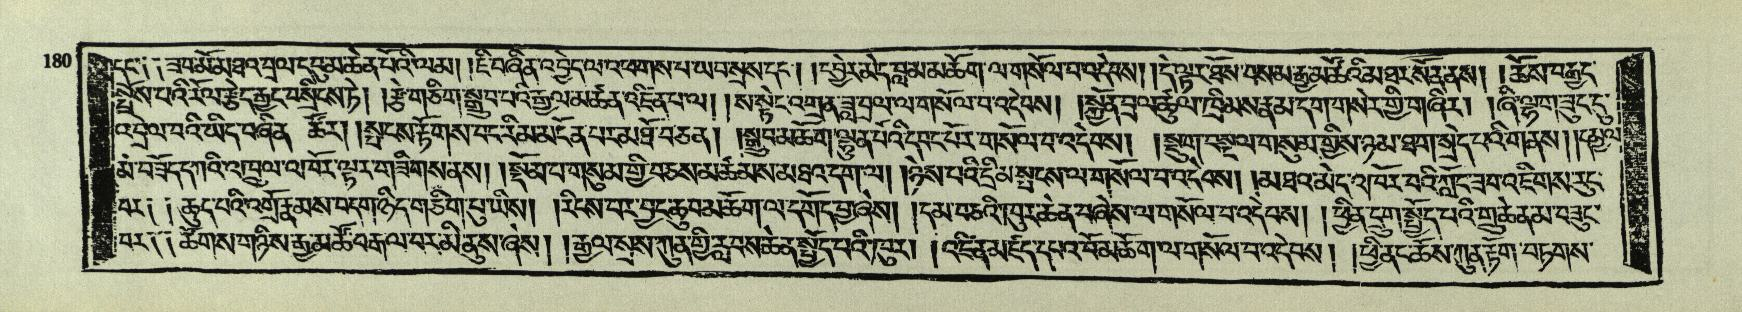དང༑ ༑ཟབ་མོ་མཐའ་བྲལ་དབུ་མ་ཆེན་པོའི་ལམ། །ཇི་བཞིན་འབྱེད་ལ་འཕགས་པ་ཡབ་སྲས་དང་། །དབྱེར་མེད་བླ་མ་མཆོག་ལ་གསོལ་བ་འདེབས། །དེ་ལྟར་ཐོས་བསམ་རྒྱ་མཚོའི་མཐར་སོན་ནས། །ཆོས་བརྒྱད་
སྤྲོས་པའི་རོལ་རྩེད་རྒྱང་བསྲིངས་ཏེ། །རྩེ་གཅིག་སྒྲུབ་པའི་རྒྱལ་མཚན་འཛིན་པ་ལ། །ས་སྟེང་འགྲན་ཟླ་བྲལ་ལ་གསོལ་བ་འདེབས། །སྐྱོན་བྲལ་ཚུལ་ཁྲིམས་རྣམ་དག་གསེར་གྱི་གཞིར། །ཞི་ལྷག་ཟུང་དུ་
འབྲེལ་བའི་ཡིད་བཞིན་ཚོར། །སྤངས་རྟོགས་བང་རིམ་མངོན་པར་མཐོ་བ་ཅན། །སྒྲུབ་མཆོག་ལྷུན་པོའི་དབང་པོར་གསོལ་བ་འདེབས། །སྡུག་བསྔལ་གསུམ་གྱིས་ཉམ་ཐག་སྲེད་པའི་གནས། །དམྱལ་
མཾ་བཟོད་དཀའི་འཁྲུལ་འཁོར་ལྷར་གཟིགས་ནས། །སྡོམ་པ་གསུམ་གྱི་བཅས་མཚམས་མཐའ་དག་ལ། །ཉེས་པའི་དྲི་མ་སྤངས་ལ་གསོལ་བ་འདེབས། །མཐའ་མེད་འཁོར་བའི་ཀློང་ཟབ་འཇིགས་རུང་
བར༑ ༑ཆུད་པའི་འགྲོ་རྣམས་བདག་ཉིད་གཅིག་པུ་ཡིས། །རིངས་པར་བྱང་ཆུབ་མཆོག་ལ་དགོད་བྱ་ཞེས། །དམ་བཅའི་ཁུར་ཆེན་བཞེས་ལ་གསོལ་བ་འདེབས། །ཕྱིན་དྲུག་སྤྱོད་པའི་གྲུ་ཆེན་མ་བཟུང་
བར༑ ༑ཚོགས་གཉིས་རྒྱ་མཚོ་བརྒལ་བར་མི་ནུས་ཞེས། །རྒྱལ་སྲས་ཀུན་གྱི་རླབས་ཆེན་སྤྱོད་པའི་ཁུར། །འཛིན་མཛད་དཔའ་བོ་མཆོག་ལ་གསོལ་བ་འདེབས། །ཕྱི་ནང་ཆོས་ཀུན་རྟོག་བཏགས་